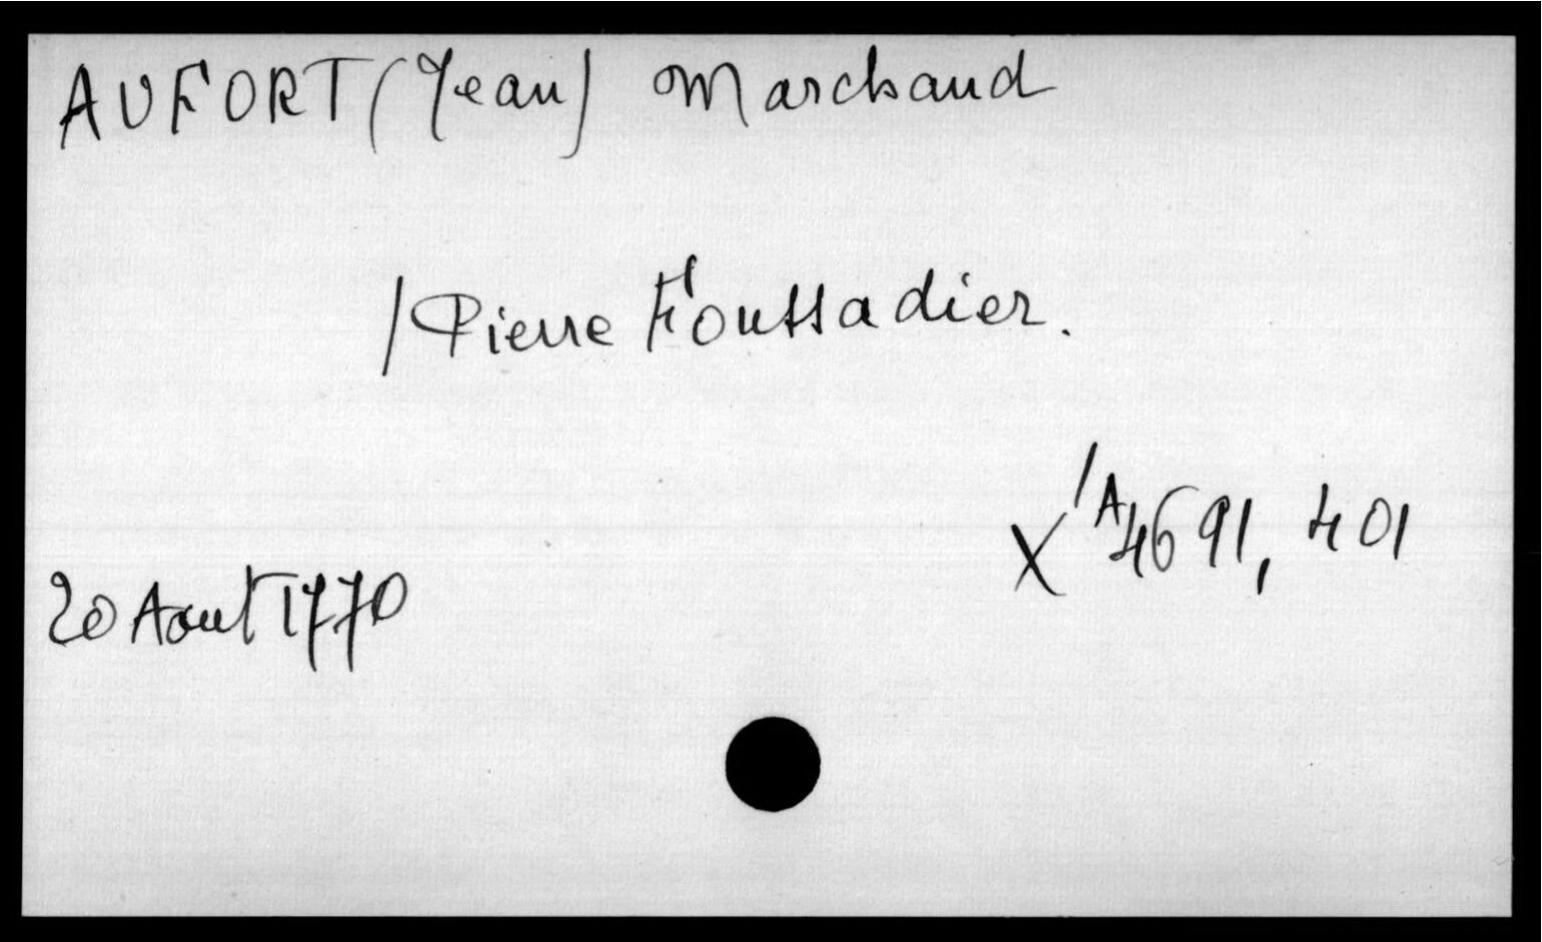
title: AUFORT (Jean) Marchand
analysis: Contre Pierre Foussadier
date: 20 août 1770
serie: X1A
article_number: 4691
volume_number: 401
